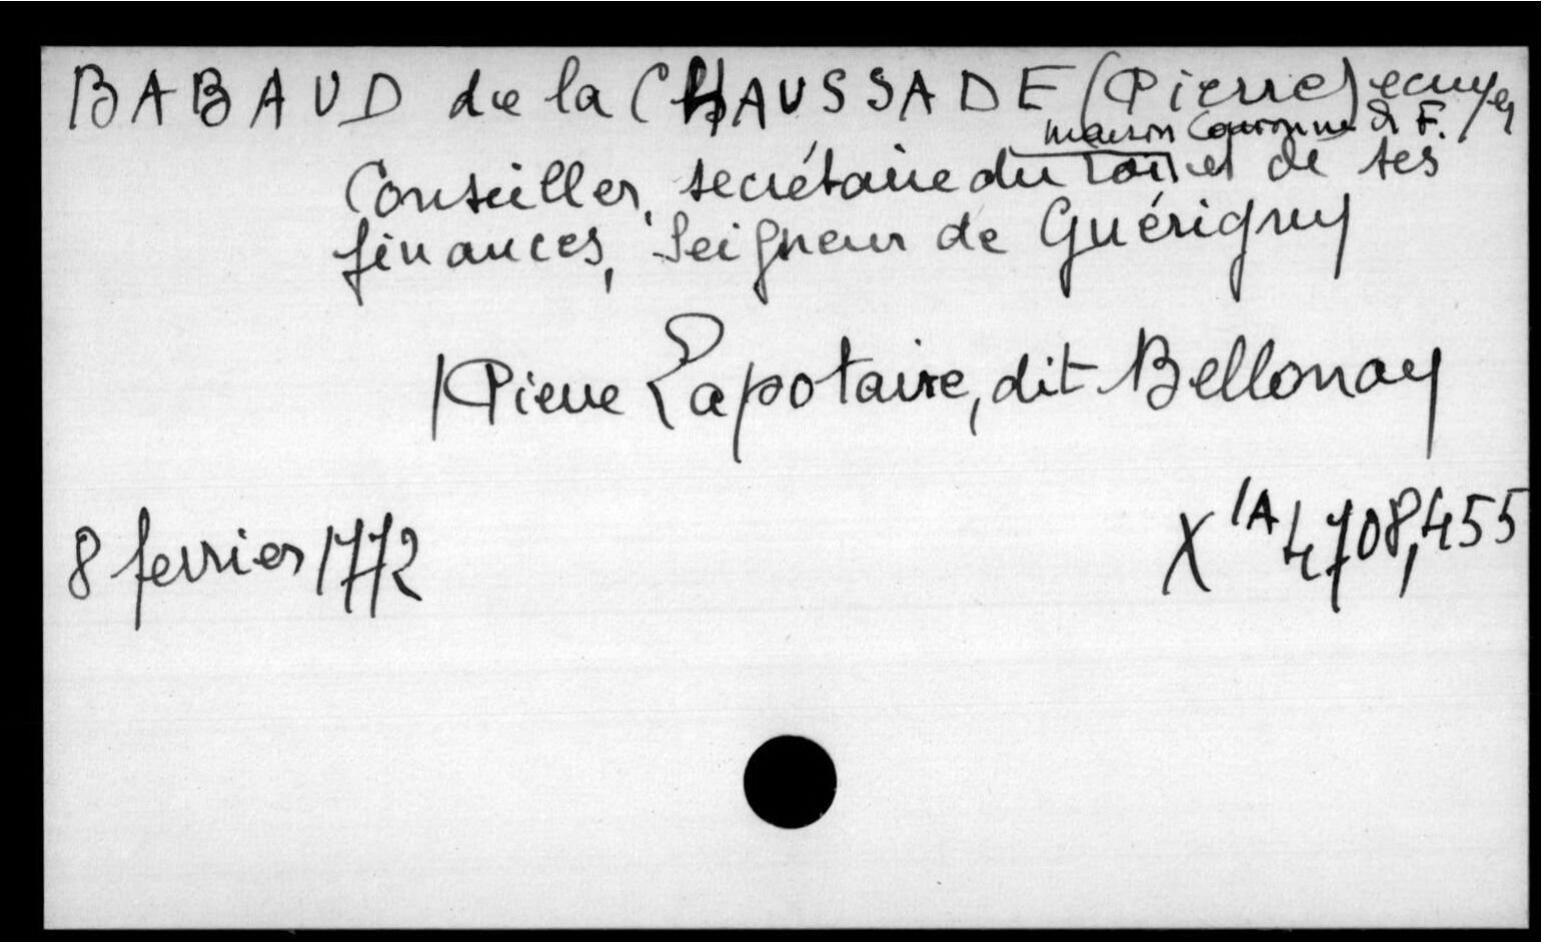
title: BABAUD de la CHAUSSADE (Pierre) écuyer, Conseiller, secrétaire du roi maison couronne de France et de Ses finances, Seigneur de Guérigny
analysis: Contre Pierre Lapotaire, dit Bellonay
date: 8 février 1772
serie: X1A
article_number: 4708
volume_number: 455
